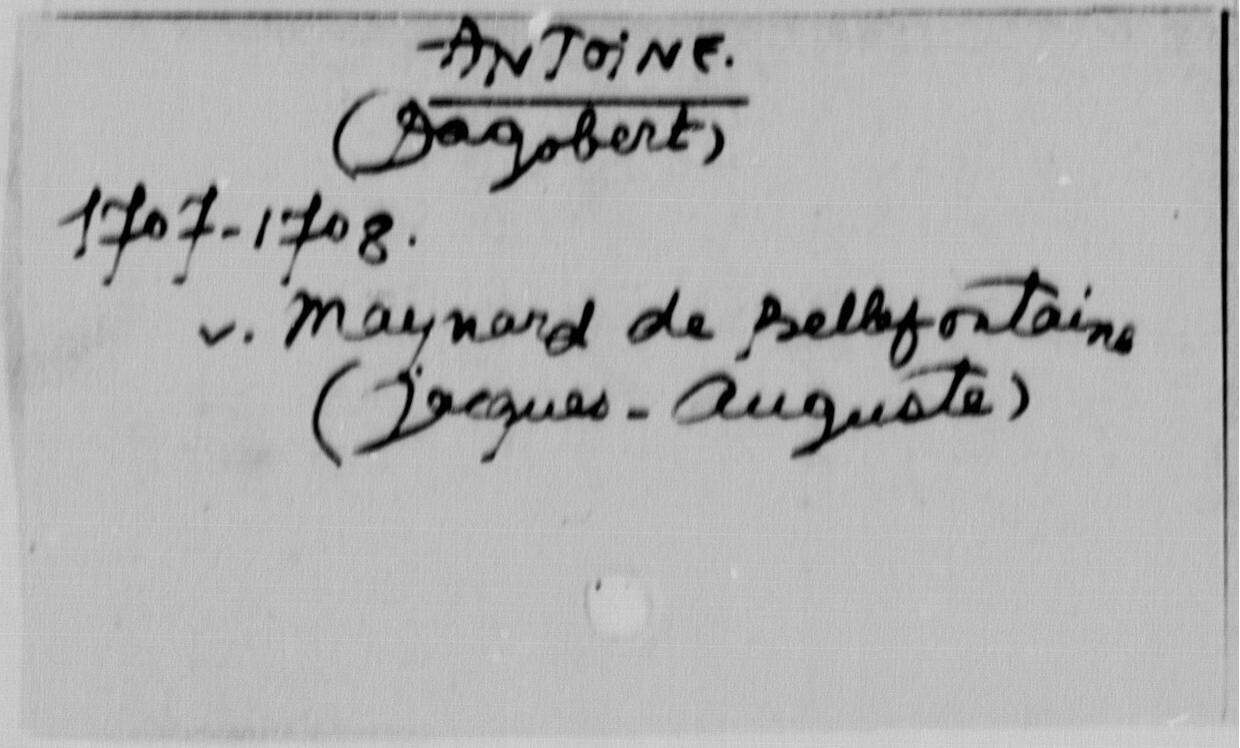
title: ANTOINE (Dagobert)
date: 1707-1708
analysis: Voir Maynard de Bellefontaine (Jacques-Auguste)
